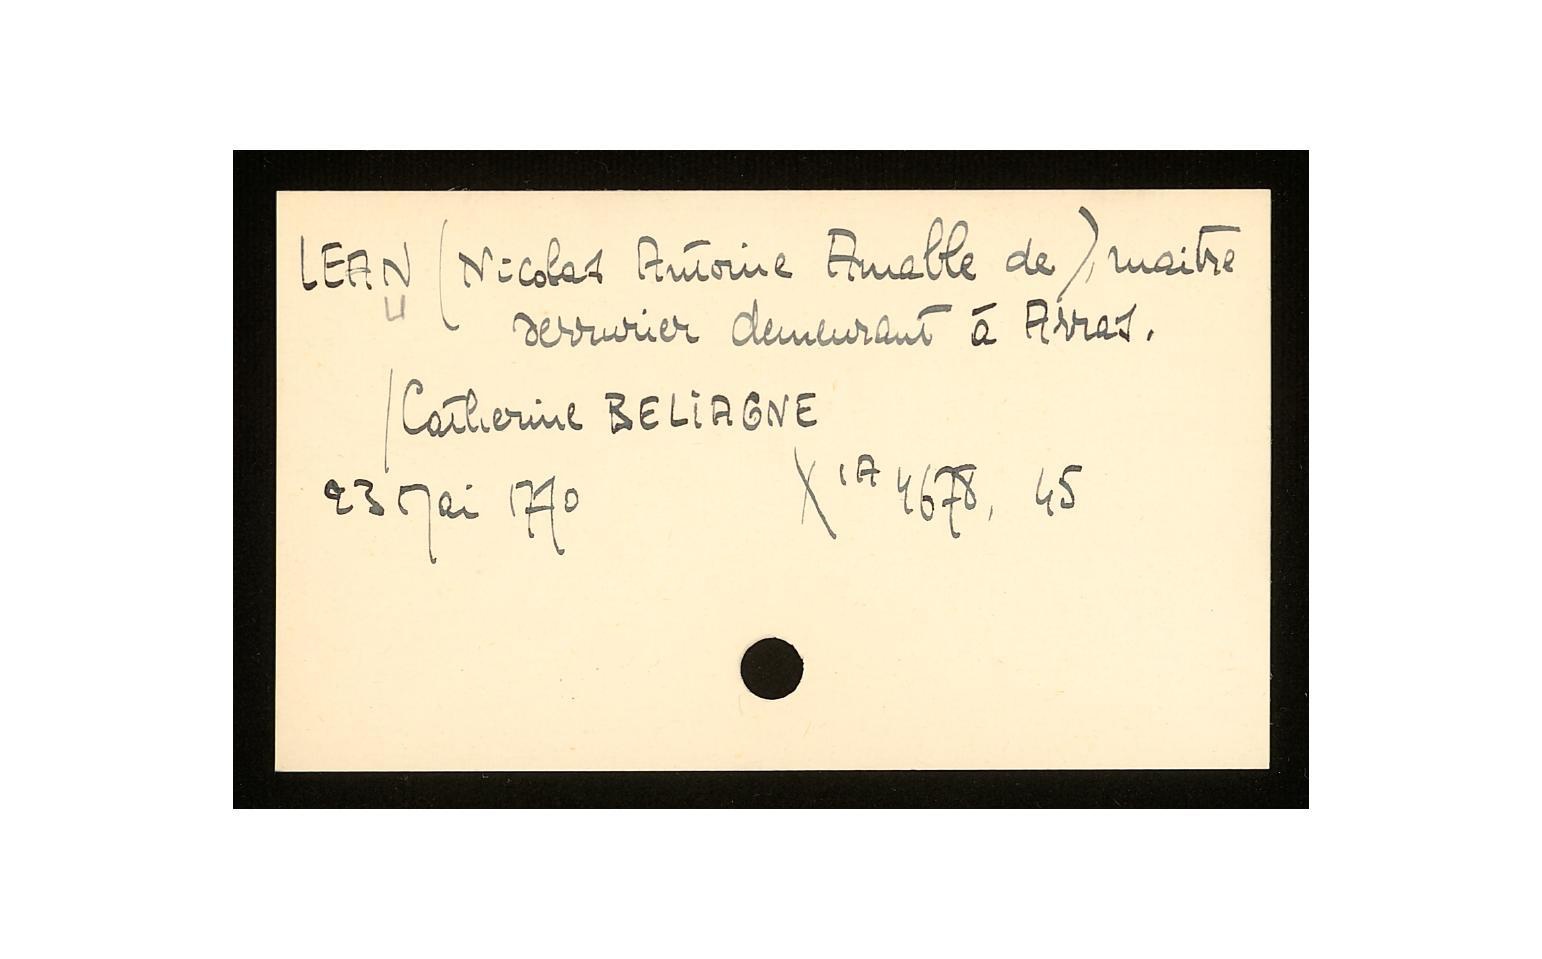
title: LEAN (Nicolas Antoine Amable de), maître serrurier demeurant à Arras
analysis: Contre Catherine BELIAGNE
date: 23 mai 1770
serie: X1A
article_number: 4678
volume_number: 45
